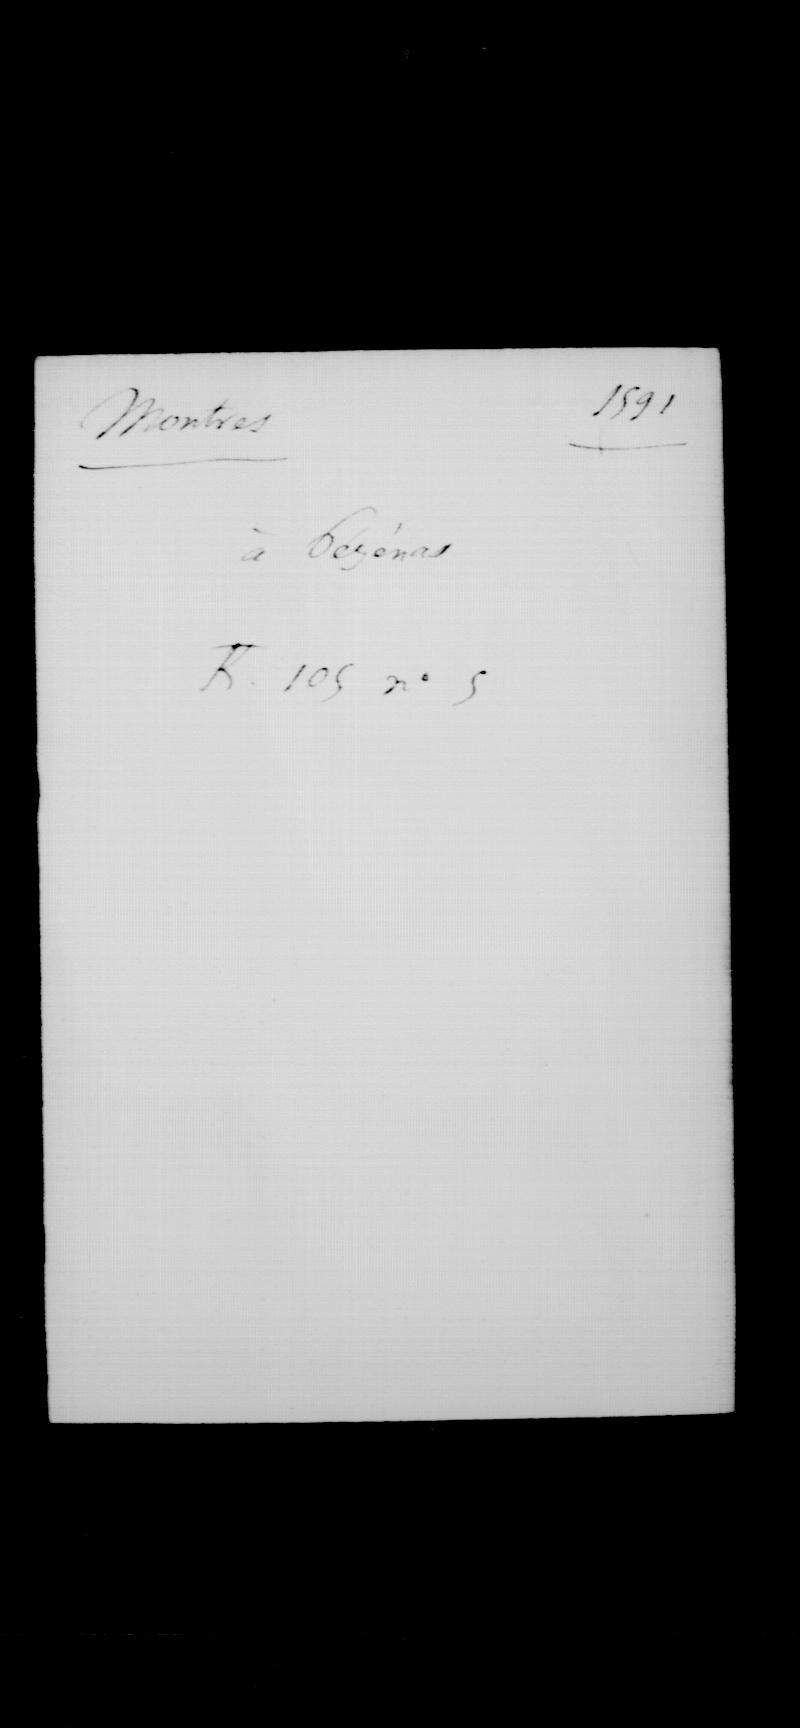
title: Montres
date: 1591
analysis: à Pézénas
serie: K
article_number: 105
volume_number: n° 5
